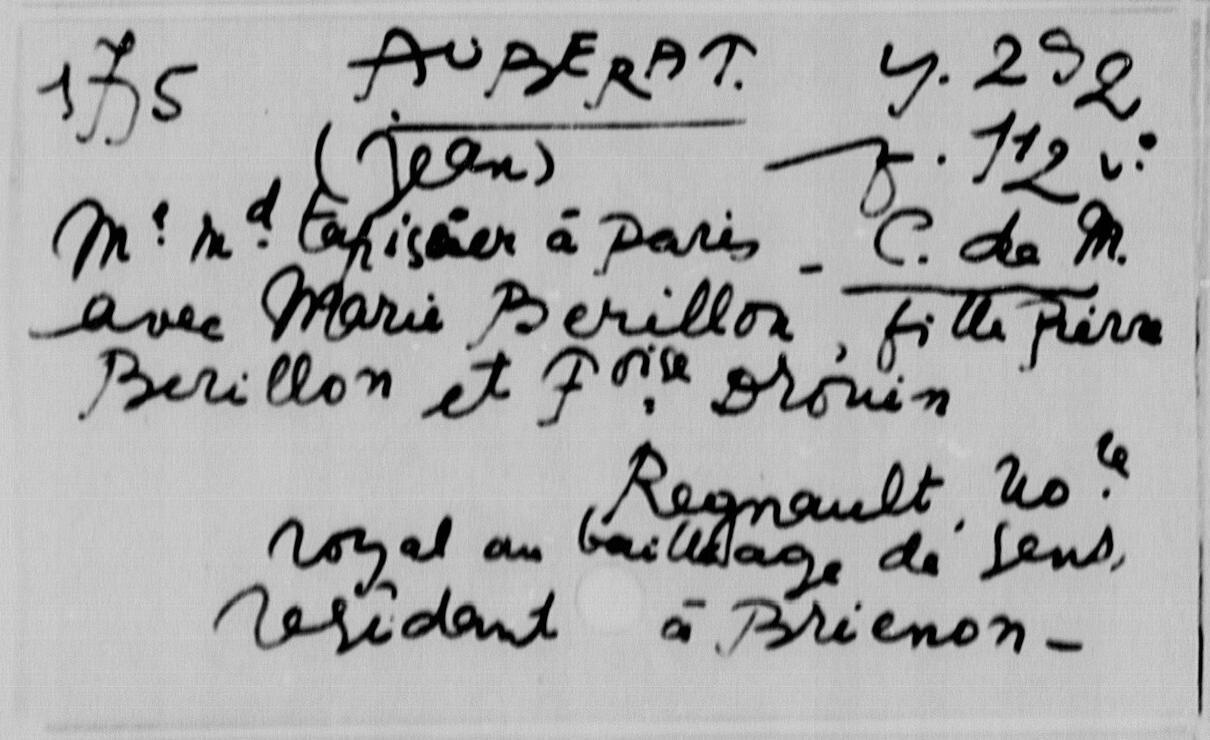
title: AUBERAT (Jean)
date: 1715
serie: Y
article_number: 292
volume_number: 112 v°
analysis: Maître marchand tapissier à Paris. Avec Marie BERILLON, fille Pierre BERILLON et Françoise DROUIN. Regnault, notaire royal au bailliage de Sens, résident à Brienon.
